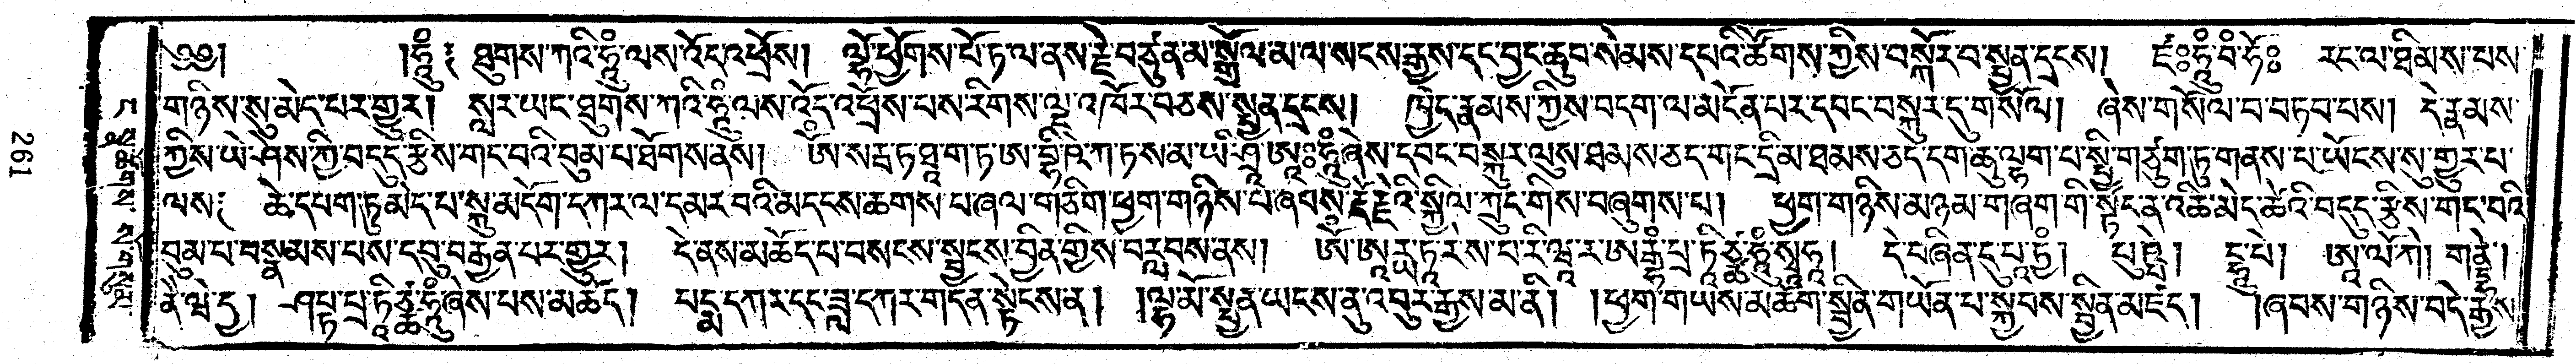༄༅། །ཧཱུཾ༑ ཐུགས་ཀའི་ཧཱུཾ་ལས་འོད་འཕྲོས། ལྷོ་ཕྱོགས་པོ་ཏ་ལ་ནས་རྗེ་བཙུན་མ་སྒྲོལ་མ་ལ་སངས་རྒྱས་དང་བྱང་ཆུབ་སེམས་དཔའི་ཚོགས་ཀྱིས་བསྐོར་བ་སྤྱན་དྲངས། ཛཿ ཧཱུཾ་བཾ་ཧོཿ རང་ལ་ཐིམས་པས་
གཉིས་སུ་མེད་པར་གྱུར། སླར་ཡང་ཐུགས་ཀའི་ཧཱུཾ་ལས་འོད་འཕྲོས་པས་རིགས་ལྔ་འཁོར་བཅས་སྤྱན་དྲངས། ཁྱེད་རྣམས་ཀྱིས་བདག་ལ་མངོན་པར་དབང་བསྐུར་དུ་གསོལ། ཞེས་གསོལ་བ་བཏབ་པས། དེ་རྣམས་
ཀྱིས་ཡེ་ཤེས་ཀྱི་བདུད་རྩིས་གང་བའི་བུམ་པ་ཐོགས་ནས། ཨོཾ་སརྦ་ཏ་ཐཱ་ག་ཏ་ཨ་བྷི་ཥེ་ཀ་ཏ་ས་མ་ཡི་ཤྲཱ་ཨཱཿ ཧཱུཾ་ཞེས་དབང་བསྐུར་ལུས་ཐམས་ཅད་གང་དྲི་མ་ཐམས་ཅད་དག་ཆུ་ལྷག་པ་སྤྱི་གཙུག་ཏུ་གནས་པ་ཡོངས་སུ་གྱུར་པ་
ལས༑ ཆེ་དཔག་ཏུ་མེད་པ་སྐུ་མདོག་དཀར་ལ་དམར་བའི་མདངས་ཆགས་པ་ཞལ་གཅིག་ཕྱག་གཉིས་པ་ཞབས་རྡོ་རྗེའི་སྐྱིལ་ཀྲུང་གིས་བཞུགས་པ། ཕྱག་གཉིས་མཉམ་གཞག་གི་སྟོང་ན་འཆི་མེད་ཚེའི་བདུད་རྩིས་གང་བའི་
བུམ་པ་བསྣམས་པས་དབུ་བརྒྱན་པར་གྱུར། དེ་ནས་མཆོད་པ་བསངས་སྦྱངས་བྱིན་གྱིས་བརླབས་ནས། ཨོཾ་ཨཱརྱ་ཏཱ་རེ་ས་པ་རི་ཝཱ་ར་ཨརྒྷཾ་པྲ་ཏཱི་ཙྪ་ཧཱུཾ་སྭཱཧཱ། དེ་བཞིན་དུ་པཱ་ཏྱཾ། པུཥྤེ། དྷཱུ་པེ། ཨཱ་ལོ་ཀེ། གནྦྷེ།
ནཻ་ཝེ་དྱ། ཤཔྟ་པྲ་ཏཱིཙྪ་ཧཱུཾ་ཞེས་པས་མཆོད། པདམ་དཀར་དང་ཟླ་དཀར་གདན་སྟེངས་ན། །ལྷ་མོ་སྤྱན་ཡངས་ནུ་འབུར་རྒྱས་མ་ནི། །ཕྱག་གཡས་མཆོག་སྤྱིན་གཡོན་པ་སྐྱབས་སྤྱིན་མཛད། །ཞབས་གཉིས་བདེ་རྒྱས་